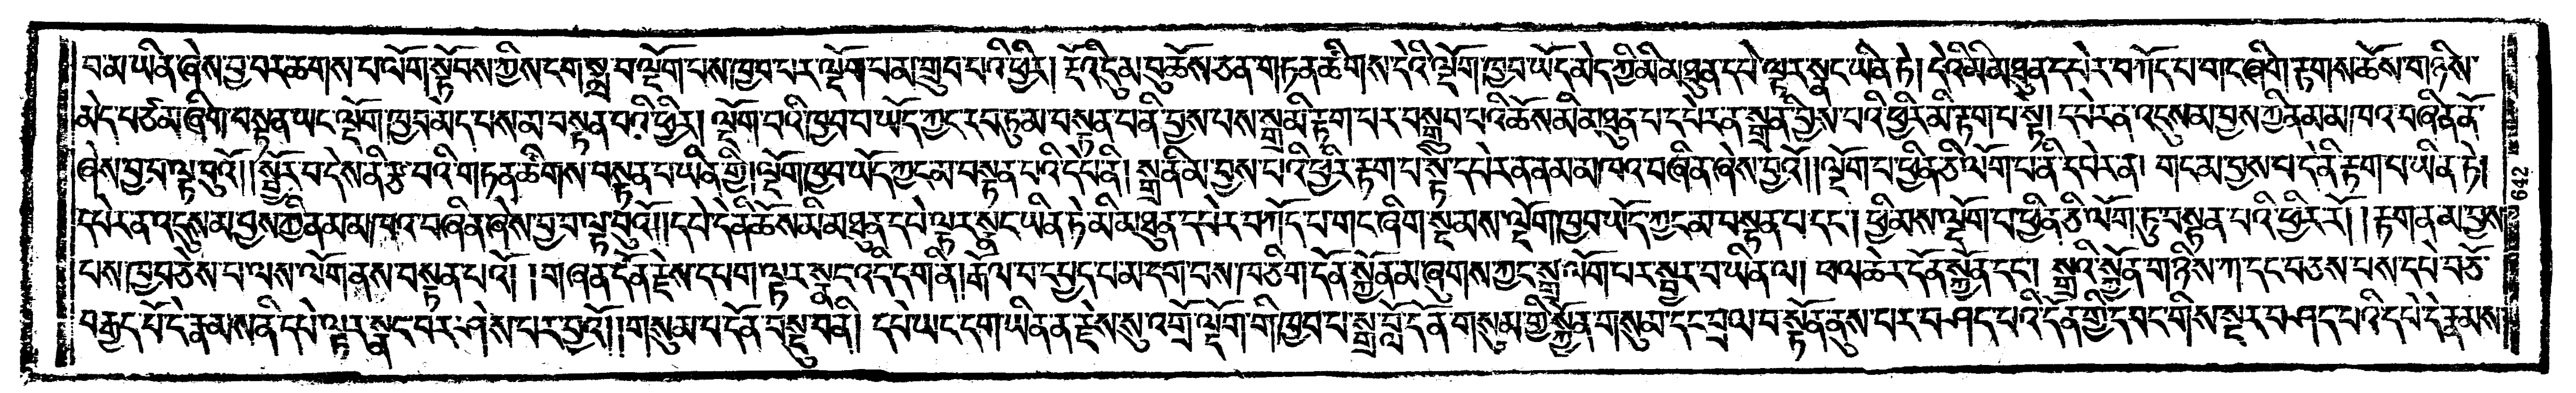བ་མ་ཡིན་ཞེས་བྱ་བར་ཆགས་པ་ལོག་སྟོབས་ཀྱིས་ངག་སྨྲ་བ་ལྡོག་པས་ཁྱབ་པར་ལྡོག་པ་མ་གྲུབ་པའི་ཕྱིར། རྡོའི་དུམ་བུ་ཆོས་ཅན་གཏན་ཚིགས་དེའི་ལྡོག་ཁྱབ་ཡོད་མེད་ཀྱི་མི་མཐུན་དཔེ་ལྟར་སྣང་ཡིན་ཏེ། དེའི་མི་མཐུན་དཔེར་བཀོད་པ་གང་ཞིག་རྟགས་ཆོས་གཉིས་
མེད་པ་ཙམ་ཞིག་བསྟན་ཡང་ལྡོག་ཁྱབ་མེད་པས་མ་བསྟན་པའི་ཕྱིར། ལྡོག་པའི་ཁྱབ་པ་ཡོད་ཀྱང་རབ་ཏུ་མ་བསྟན་པ་ནི་བྱས་པས་སྒྲ་མི་རྟག་པར་བསྒྲུབ་པའི་ཆོས་མི་མཐུན་པ་དཔེར་ན་སྒྲ་ནི་བྱས་པའི་ཕྱིར་མི་རྟག་པ་སྟེ། དཔེར་ན་འདུས་མ་བྱས་ཀྱི་ནམ་མཁའ་བཞིན་ནོ་
ཞེས་བྱ་བ་ལྟ་བུའོ། །སྦྱོར་བ་དེས་ནི་རྩ་བའི་གཏན་ཚིགས་བསྟན་པ་ཡིན་གྱི། ལྡོག་ཁྱབ་ཡོད་ཀྱང་མ་བསྟན་པའི་དཔེ་ནི། སྒྲ་ནི་མ་བྱས་པའི་ཕྱིར་རྟག་པ་སྟེ་དཔེར་ན་ནམ་མཁའ་བཞིན་ཞེས་བྱའོ། །ལྡོག་པ་ཕྱིན་ཅི་ལོག་པ་ནི་དཔེར་ན། གང་མ་བྱས་པ་དེ་ནི་རྟག་པ་ཡིན་ཏེ།
དཔེར་ན་འདུས་མ་བྱས་ཀྱི་ནམ་མཁའ་བཞིན་ཞེས་བྱ་བ་ལྟ་བུའོ། །དཔེ་དེ་ནི་ཆོས་མི་མཐུན་དཔེ་ལྟར་སྣང་ཡིན་ཏེ་མི་མཐུན་དཔེར་བཀོད་པ་གང་ཞིག་སྔ་མས་ལྡོག་ཁྱབ་ཡོད་ཀྱང་མ་བསྟན་པ་དང་། ཕྱི་མས་ལྡོག་པ་ཕྱིན་ཅི་ལོག་ཏུ་བསྟན་པའི་ཕྱིར་རོ། །རྟག་ན་མ་བྱས་
པས་ཁྱབ་ཅེས་པ་ལས་ལོག་ནས་བསྟན་པའོ། །གཞན་དོན་རྗེས་དཔག་ལྟར་སྣང་འདི་དག་ནི། རྒོལ་བ་དཔྱད་པ་མ་དག་པས་ཁ་ཅིག་དོན་སྐྱོན་མ་ཞུགས་ཀྱང་སྒྲ་ལོག་པར་སྦྱར་བ་ཡིན་ལ། ཕལ་ཆེར་དོན་སྐྱོན་དང་། སྒྲའི་སྐྱོན་གཉིས་ཀ་དང་བཅས་པས་དཔེ་བཅོ་
བརྒྱད་པོ་དེ་རྣམས་ནི་དཔེ་ལྟར་སྣང་བར་ཤེས་པར་བྱའོ། །གསུམ་པ་དོན་བསྡུ་བ་ནི། དཔེ་ཡང་དག་ཡིན་ན་རྗེས་སུ་འགྲོ་ལྡོག་གི་ཁྱབ་པ་སྒྲ་བློ་དོན་གསུམ་གྱི་སྐྱོན་གསུམ་དང་བྲལ་བ་སྟོན་ནུས་པར་བཤད་པའི་དོན་གྱི་དབང་གིས་སྔར་བཤད་པའི་དཔེ་དེ་རྣམས་